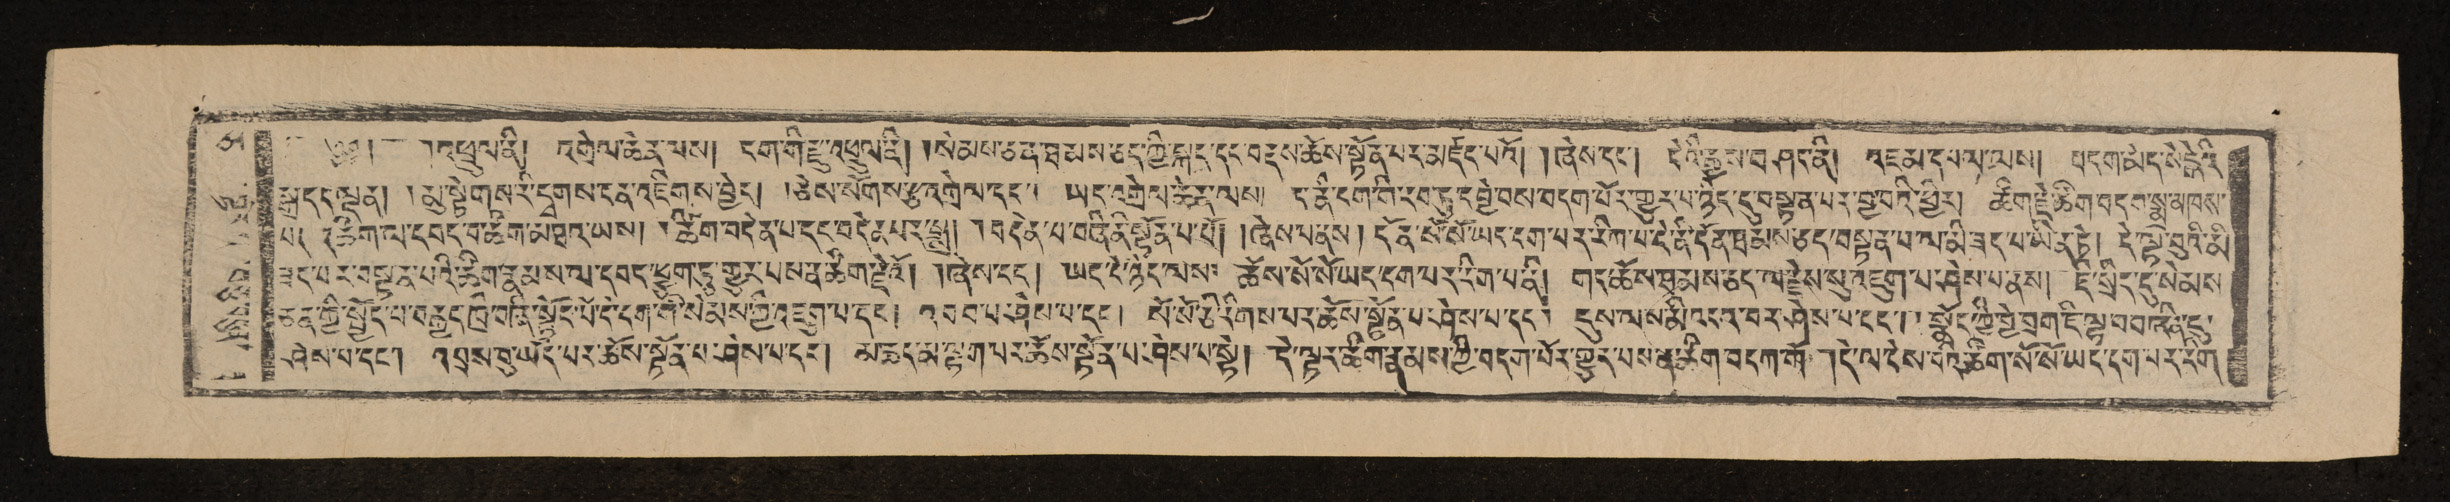༄༅། །འཕྲུལ་ནི། འགྲེལ་ཆེན་ལས། དག་གི་རྫུ་འཕྲུལ་ནི། སེམས་ཅན་ཐམས་ཅད་ཀྱི་སྐད་དང་བརྡས་ཆོས་སྟོན་པར་མཛད་པའོ། །ཞེས་དང་། དེའི་རྒྱས་བཤད་ནི། འཇམ་དཔལ་ལས། བདག་མེད་སེངྒེའི་
སྒྲ་དང་ལྡན། །མུ་སྟེགས་རི་དྭགས་ངན་འཇིགས་བྱེད། །ཅེས་སོགས་རྩ་འགྲེལ་དང་། ཡང་འགྲེལ་ཆེན་ལས། ད་ནི་ངག་གི་རབ་ཏུ་དབྱེ་བས་བདག་པོར་གྱུར་པ་ཉིད་དུ་བསྟན་པར་བྱ་བའི་ཕྱིར། ཚིག་རྗེ་ཚིག་བདག་སྨྲ་མཁས་
པ༑ ༑ཚིག་ལ་དབང་བ་ཚིག་མཐའ་ཡས། །ཚིག་བདེན་པ་དང་བདེན་པར་སྨྲ། །བདེན་པ་བཞི་ནི་སྟོན་པ་པོ། །ཞེས་པ་ནས། དོན་སོ་སོ་ཡང་དག་པར་རིག་པ་དེ་ནི་དོན་ཐམས་ཅད་བསྟན་པ་ལ་མི་ཟད་པ་ཡིན་ཏེ། དེ་ལྟ་བུའི་མི་
ཟད་པར་བསྟན་པའི་ཚིག་རྣམས་ལ་དབང་ཕྱུག་ཏུ་གྱུར་པས་ན་ཚིག་རྗེའོ། །ཞེས་དང་། ཡང་དེ་ཉིད་ལས། ཆོས་སོ་སོ་ཡང་དག་པར་རིག་པ་ནི། གང་ཆོས་ཐམས་ཅད་ལ་རྗེས་སུ་འཇུག་པ་ཤེས་པ་ནས། ཇི་སྲིད་དུ་སེམས་
ཅན་གྱི་སྤྱོད་པ་བརྒྱད་ཁྲི་བཞི་སྟོང་པོ་དེ་དག་གི་སེམས་ཀྱི་འཇུག་པ་དང་། འབབ་པ་ཤེས་པ་དང་། སོ་སོ་ཅི་རིགས་པར་ཆོས་སྟོན་པ་ཤེས་པ་དང་། དུས་ལས་མི་འདའ་བར་ཤེས་པ་དང་། སྣོད་ཀྱི་བྱེ་བྲག་ཇི་ལྟ་བ་བཞིན་དུ་
ཤེས་པ་དང་། འབྲས་བུ་ཡོད་པར་ཆོས་སྟོན་པ་ཤེས་པ་དང་། མ་ཆད་མ་ལྷག་པར་ཆོས་སྟོན་པ་ཤེས་པ་སྟེ། དེ་ལྟར་ཚིག་རྣམས་ཀྱི་བདག་པོར་གྱུར་པས་ན་ཚིག་བདག་གོ །དེ་ལ་ངེས་པའི་ཚིག་སོ་སོ་ཡང་དག་པར་རིག་